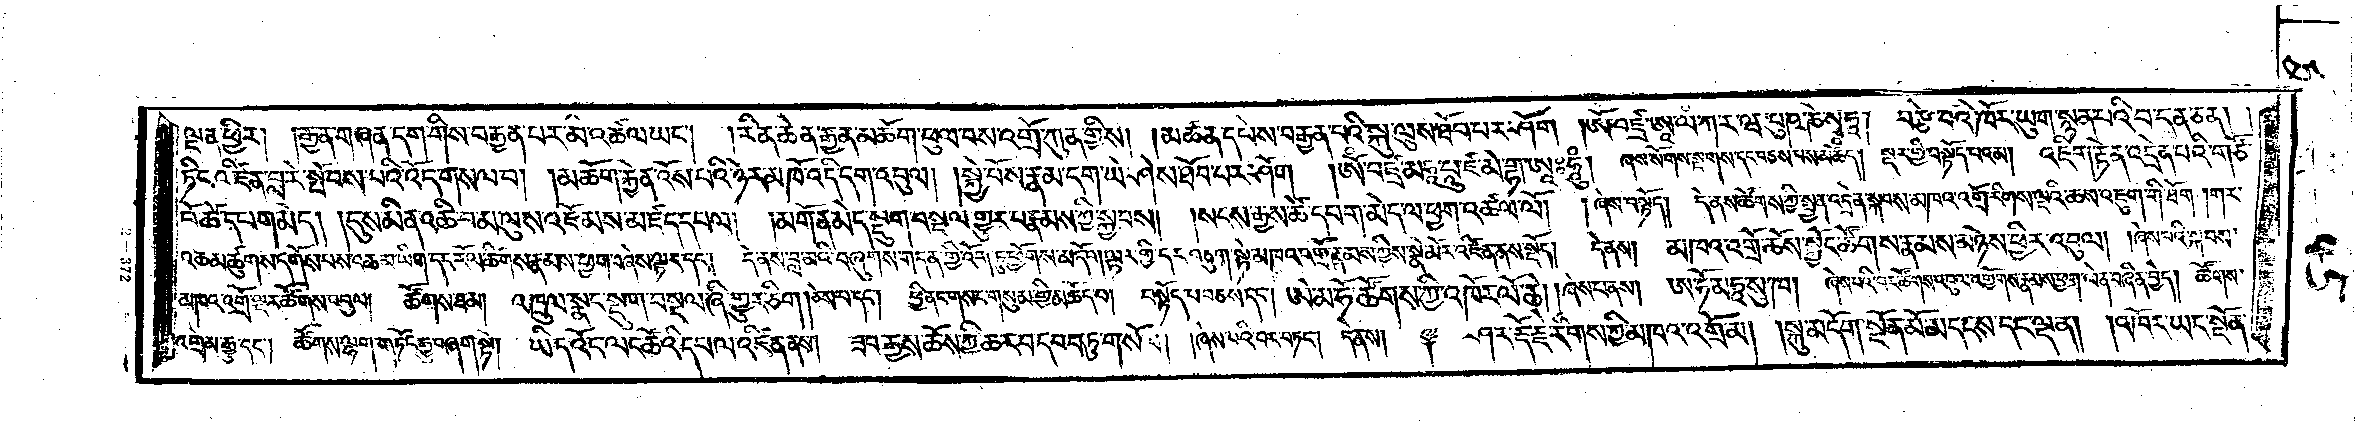ལྡན་ཕྱིར། །རྒྱན་གཞན་དག་གིས་བརྒྱན་པར་མི་འཚལ་ཡང་། །རིན་ཆེན་རྒྱན་མཆོག་ཕུལ་བས་འགྲོ་ཀུན་གྱིས། །མཚན་དཔེས་བརྒྱན་པའི་སྐུ་ལུས་ཐོབ་པར་ཤོག །ཨོཾ་བཛྲ་ཨཱ་ལཾ་ཀ་ར་ཝ་པུ་ཥ་ཎེ་སྭཱཧཱ། བརྩེ་བའི་ཁོར་ཡུག་སྙན་པའི་བ་དན་ཅན། །
ཏིང་འཛིན་བླ་རེ་སྤོབས་པའི་འོད་གསལ་བ། །མཆོག་རྐྱེན་འོས་པའི་ཉེར་མཁོ་འདི་དག་འབུལ། །སྐྱེ་བོས་རྣམ་དག་ཡེ་ཤེས་ཐོབ་པར་ཤོག །ཨོཾ་བཛྲ་མཧཱ་པཱུ་ཛ་མེགྷ་ཨཱཿཧཱུཾ། ཞས་སོགས་སྔགས་དང་བཅས་པས་མཆོད། སྔར་གྱི་བསྟོད་བའམ།  འཇིག་རྟེན་འདྲེན་པའི་གཙོ་
བོ་ཚེ་དཔག་མེད། །དུས་མིན་འཆི་བ་མ་ལུས་འཇོམས་མཛད་དཔལ། །མགོན་མེད་སྡུག་བསྔལ་གྱུར་པ་རྣམས་ཀྱི་སྐྱབས། །སངས་རྒྱས་ཚེ་དཔག་མེད་ལ་ཕྱག་འཚལ་ལོ། །ཞེས་བསྟོད། དེ་ནས་ཚིགས་ཀྱི་སྤྱན་འདྲེན་སྐབས་མཁའ་འགྲོ་རིགས་ལྔའི་ཆས་འཇུག་གི་ཐོག །གར་
འཆམ་ཚུགས་དགོས་པས་འཆམ་ཡིག་དང་རོལ་ཚིགས་རྣམས་ཕྱག་བཞེས་ལྟར་དང་། དེ་ནས་བླ་མའི་བཞུགས་གདན་གྱི་འོག་ཏུ་ཕྱོགས་མདོག་ལྟར་གྱི་དར་བཅུག་སྟེ་མཁའ་འགྲོ་རྣམས་ཀྱིས་སྣེ་མོར་འཛིན་ནས་སྔོད། དེ་ནས། མཁའ་འགྲོ་ཆོས་སྐྱོང་ཚིགས་རྣམས་མཉེས་ཕྱིར་འབུལ། །ཞེས་པའི་སྐབས་
མཁའ་འགྲོ་ལྔར་ཚོགས་འབུལ། ཚོགས་ཐ་མ། འཁྲུལ་སྣང་སྡུག་བསྔལ་ཞི་གྱུར་ཅིག་།ཅེས་པ་དང་། ཕྱི་ནང་གསུམ་གྱི་མཆོད་པ། བསྟོད་པ་བཅས་དང་།  ཨེ་མྷོ་ཚོགས་ཀྱི་འཁོར་ལོ་ཆེ། །ཞེས་པ་ནས།  ཨ་ཧོ་མྷཱ་སུ་ཁ། ཞེས་པའི་བར་ཚོགས་འབུལ་གྱི་འགྱོགས་རྣམས་ཕྱག་ལེན་བཞིན་བྱེད། །ཚོགས་
འགྲེམ་རྒྱུ་དང་། ཚོགས་ལྷག་གཏོང་རྒྱུ་བཞག་སྟེ། ཡིད་འོང་ལང་ཚེའི་དཔལ་འཛིན་ནས། ཟབ་རྒྱས་ཆོས་ཀྱི་ཆར་བ་དབབ་ཏུ་གསོལ། །ཞེས་པའི་བར་བཏང་། དེ་ནས།  ༈ ཤར་རྡོ་རྗེ་རིགས་ཀྱི་མཁའ་འགྲོ་མ། །སྐུ་མདོག་སྔོན་མོ་མདངས་དང་ལྡན། །འཁོར་ཡང་སྔོན་